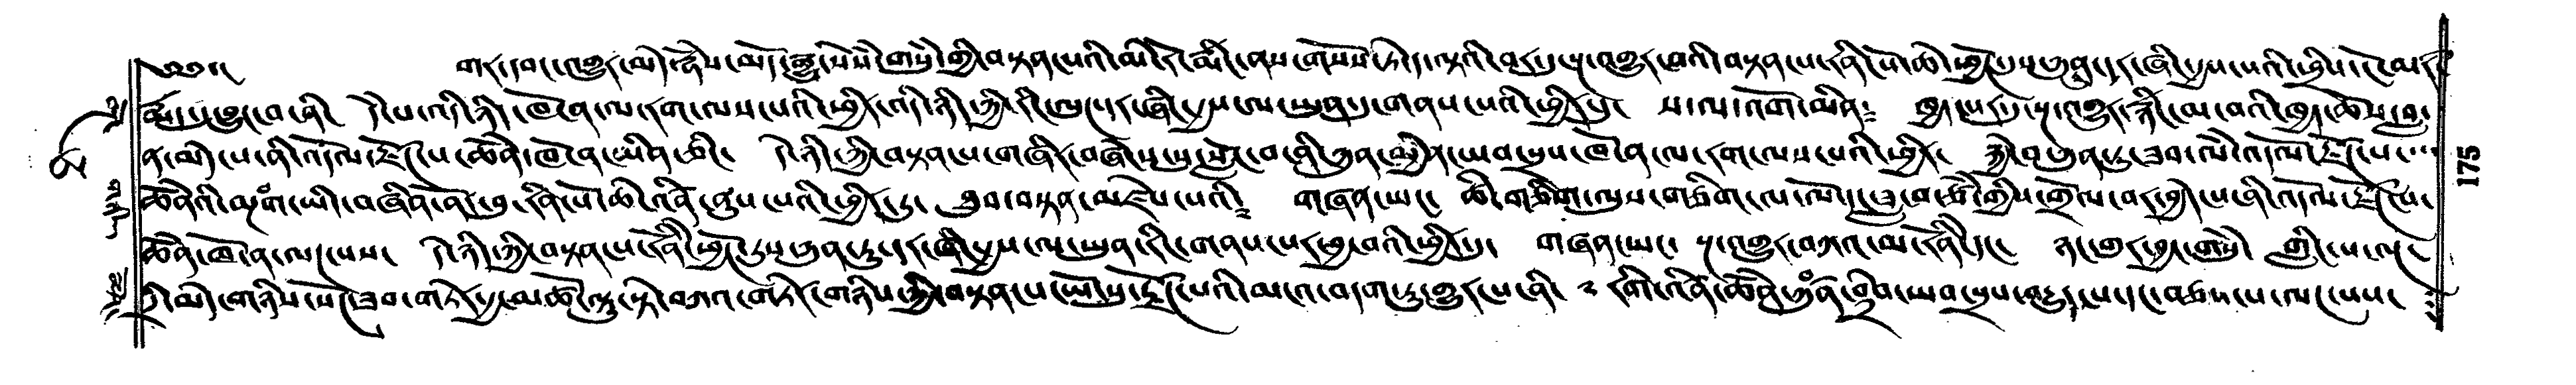གར་དབང་འགྱུར་མཻད་རྡོ་རྗེས་མདོ་སྒྱུ་སེམས་གསུམ་གྱི་བསྟན་པའི་མེ་རོ་རྨང་ནས་གསོས་ཏེ་ད་ལྟའི་བར་དུ་སྔ་འགྱུར་བའི་བསྟན་པ་རིན་པོ་ཆེ་ཕྱོགས་དུས་ཀུན་དར་ཞིང་རྒྱས་པའི་ཕྲིན་ལས་ངོ་མཚར་
རྨད་དུ་བྱུང་བ་ནི། དམ་པ་འདི་ཉིད་ཁོ་ན་ལ་རག་ལས་པའི་ཕྱིར་འདི་ཉིད་ཀྱི་རིང་ལུགས་དར་ཞིང་རྒྱས་ལ་ཡུན་དུ་གནས་པའི་ཕྱིར་དུ། ས་ལ་འོག་མིན༴ ཁྱད་པར་དུ་སྔ་འགྱུར་རྙིང་མ་བའི་ཁྱད་ཆོས་བླ་
ན་མེད་པ་ནི་འོད་གསལ་རྫོགས་པ་ཆེན་པོ་ཁོ་ན་ཡིན་ཅིང་། དེ་ཉིད་ཀྱི་བསྟན་པ་གཞིར་བཞེངས་སུ་སློང་བ་ནི་ཀུན་མཁྱེན་ཡབ་སྲས་ཁོ་ན་ལ་རག་ལས་པའི་ཕྱིར། སྐྱེ་བ་ཀུན་ཏུ༴ ཟབ་ལམ་འོད་གསལ་རྫོགས་
པ་ཆེན་པོའི་མན་ངག་ཡིད་བཞིན་ནོར་བུ་རིན་པོ་ཆེ་འཛིན་ནུས་པའི་ཕྱིར་དུ། ཐུབ་བསྟན་མཛེས་པའི༴ གཞན་ཡང་ཚེས་གཅིག་ལུས་གཅིག་ལ་ལོ་དང་ཟླ་བ་ཙམ་གྱིས་གྲོལ་བར་བྱེད་པ་ནི་འོད་གསལ་རྫོགས་པ་
ཆེན་པོ་ཁོ་ན་ལ་ལགས་པས། དེ་ཉིད་ཀྱི་བསྟན་པ་རིན་པོ་ཆེ་ཕྱོགས་དུས་ཀུན་ཏུ་དར་ཞིང་རྒྱས་ལ་ཡུན་རིང་གནས་པར་བྱ་བའི་ཕྱིར་དུ།གཞན་ཡང་སྔ་འགྱུར་བཀའ་མ་རིན་པོ་ཆེ་དང་། ཉང་གུར་བྱང་གསུམ། གླིང་པ་ལྔ། 
དྲི་མེད་གཉིས་སོགས་ཟབ་གཏེར་རྒྱ་མཚོ་ལྟ་བུ་སྟེ་བཀའ་གཏེར་གཉིས་ཀྱི་བསྟན་པ་ཡོངས་སུ་རྫོགས་པའི་མངའ་བདག་ཏུ་གྱུར་པ་ནི། རིག་འཛིན་ཆེན་པོ་ཀུན་བཟང་ཤེས་རབ་ཡབ་སྲས་བརྒྱུད་པ་དང་བཅས་པ་ལགས་པས།